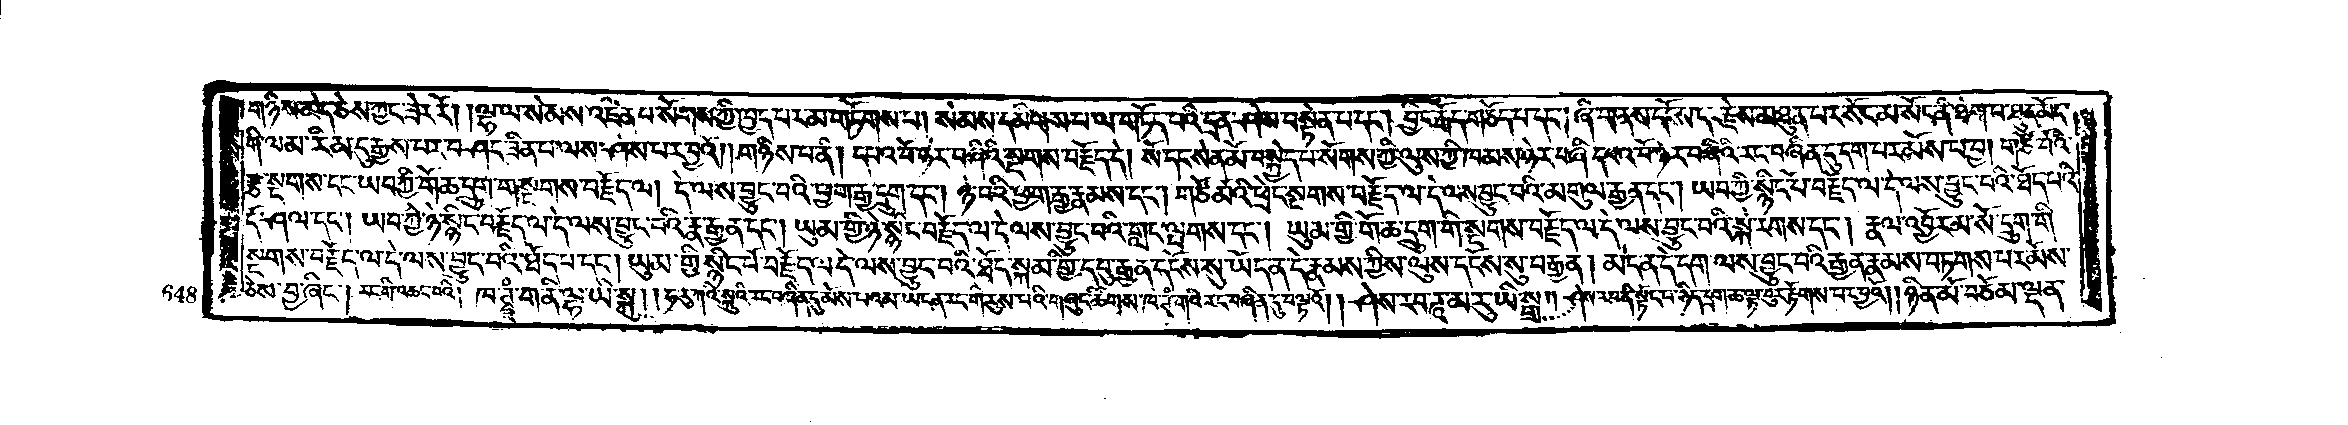གཉིས་མེད་ཅེས་ཀྱང་ཟེར་རོ། །ལྷ་ལ་སེམས་འཛིན་པ་སོགས་ཀྱི་ཁྱད་པར་མ་གཏོགས་པ། སེམས་དམིགས་པ་ལ་གཏོད་པའི་དྲན་ཤེས་བསྟེན་པ་དང་། བྱིང་རྒོད་གཅོད་པ་དང་། ཞི་གནས་དངོས་དང་རྗེས་མཐུན་པར་སོང་མ་སོང་ནི་ཐེག་པ་ཐུན་མོང་
གི་ལམ་རིམ་དུ་རྒྱས་པར་བཤད་ཟིན་པ་ལས་ཤེས་པར་བྱའོ། །གཉིས་པ་ནི། དཔའ་བོ་ཉེར་བཞིའི་སྔགས་བརྗོད་དེ། སོ་དང་སེན་མོ་བསྐྱེད་པ་སོགས་ཀྱི་ལུས་ཀྱི་ཁམས་ཉེར་བཞི་དཔའ་བོ་ཉེར་བཞིའི་རང་བཞིན་དུ་དག་པར་མོས་པ་བྱ། གཙོ་བོའི་
རྩ་སྔགས་དང་ཡབ་ཀྱི་གོ་ཆ་དྲུག་གི་སྔགས་བརྗོད་ལ། དེ་ལས་བྱུང་བའི་ཕྱག་རྒྱ་དྲུག་དང་། ཉེ་བའི་ཕྱག་རྒྱ་རྣམས་དང་། གཙོ་མོའི་ཕྲེང་སྔགས་བརྗོད་ལ་དེ་ལས་བྱུང་བའི་མགུལ་རྒྱན་དང་། ཡབ་ཀྱི་སྙིང་པོ་བརྗོད་ལ་དེ་ལས་བྱུང་བའི་ཐོད་པའི་
དོ་ཤལ་དང་། ཡབ་ཀྱི་ཉེ་སྙིང་བརྗོད་ལ་དེ་ལས་བྱུང་བའི་རྣ་རྒྱན་དང་། ཡུམ་གྱི་ཉེ་སྙིང་བརྗོད་ལ་དེ་ལས་བྱུང་བའི་གླང་ལྤགས་དང་། ཡུམ་གྱི་གོ་ཆ་དྲུག་གི་སྔགས་བརྗོད་ལ་དེ་ལས་བྱུང་བའི་སྐེ་རགས་དང་། རྣལ་འབྱོར་མ་སོ་དྲུག་གི་
སྔགས་བརྗོད་ལ་དེ་ལས་བྱུང་བའི་ཐོད་པ་དང་། ཡུམ་གྱི་སྙིང་པོ་བརྗོད་ལ་དེ་ལས་བྱུང་བའི་ཐོད་སྐམ་གྱི་དབུ་རྒྱན་དངོས་སུ་ཡོད་ན་དེ་རྣམས་ཀྱིས་ལུས་དངོས་སུ་བརྒྱན། མེད་ན་དེ་དག་ལས་བྱུང་བའི་རྒྱན་རྣམས་བཏགས་པར་མོས་
པ་བྱ་ཞིང་། རང་གི་འཆང་བའི།  ཁ་ཊྭཱཾ་ག་ནི་ལྷ་ཡི་སྐུ། །ཧེ་རུ་ཀའོ་སྐུའི་རང་བཞིན་དུ་མེས་པའམ་ཡང་ན་རང་གི་རུས་པའི་གཞུང་ཚོགས་ཁ་ཏྭཱཾ་གའི་རང་བཞིན་དུ་བལྟའོ།  །ཤེས་རབ་ཌཱ་མ་རུ་ཡི་སྒྲ། །ཤེས་རབ་ནི་སྟོང་པ་ཉིད་བྲག་ཆ་ལྟ་བུར་རྟོགས་པར་བྱའོ།  །ཉིན་མོ་བཅོམ་ལྡན་